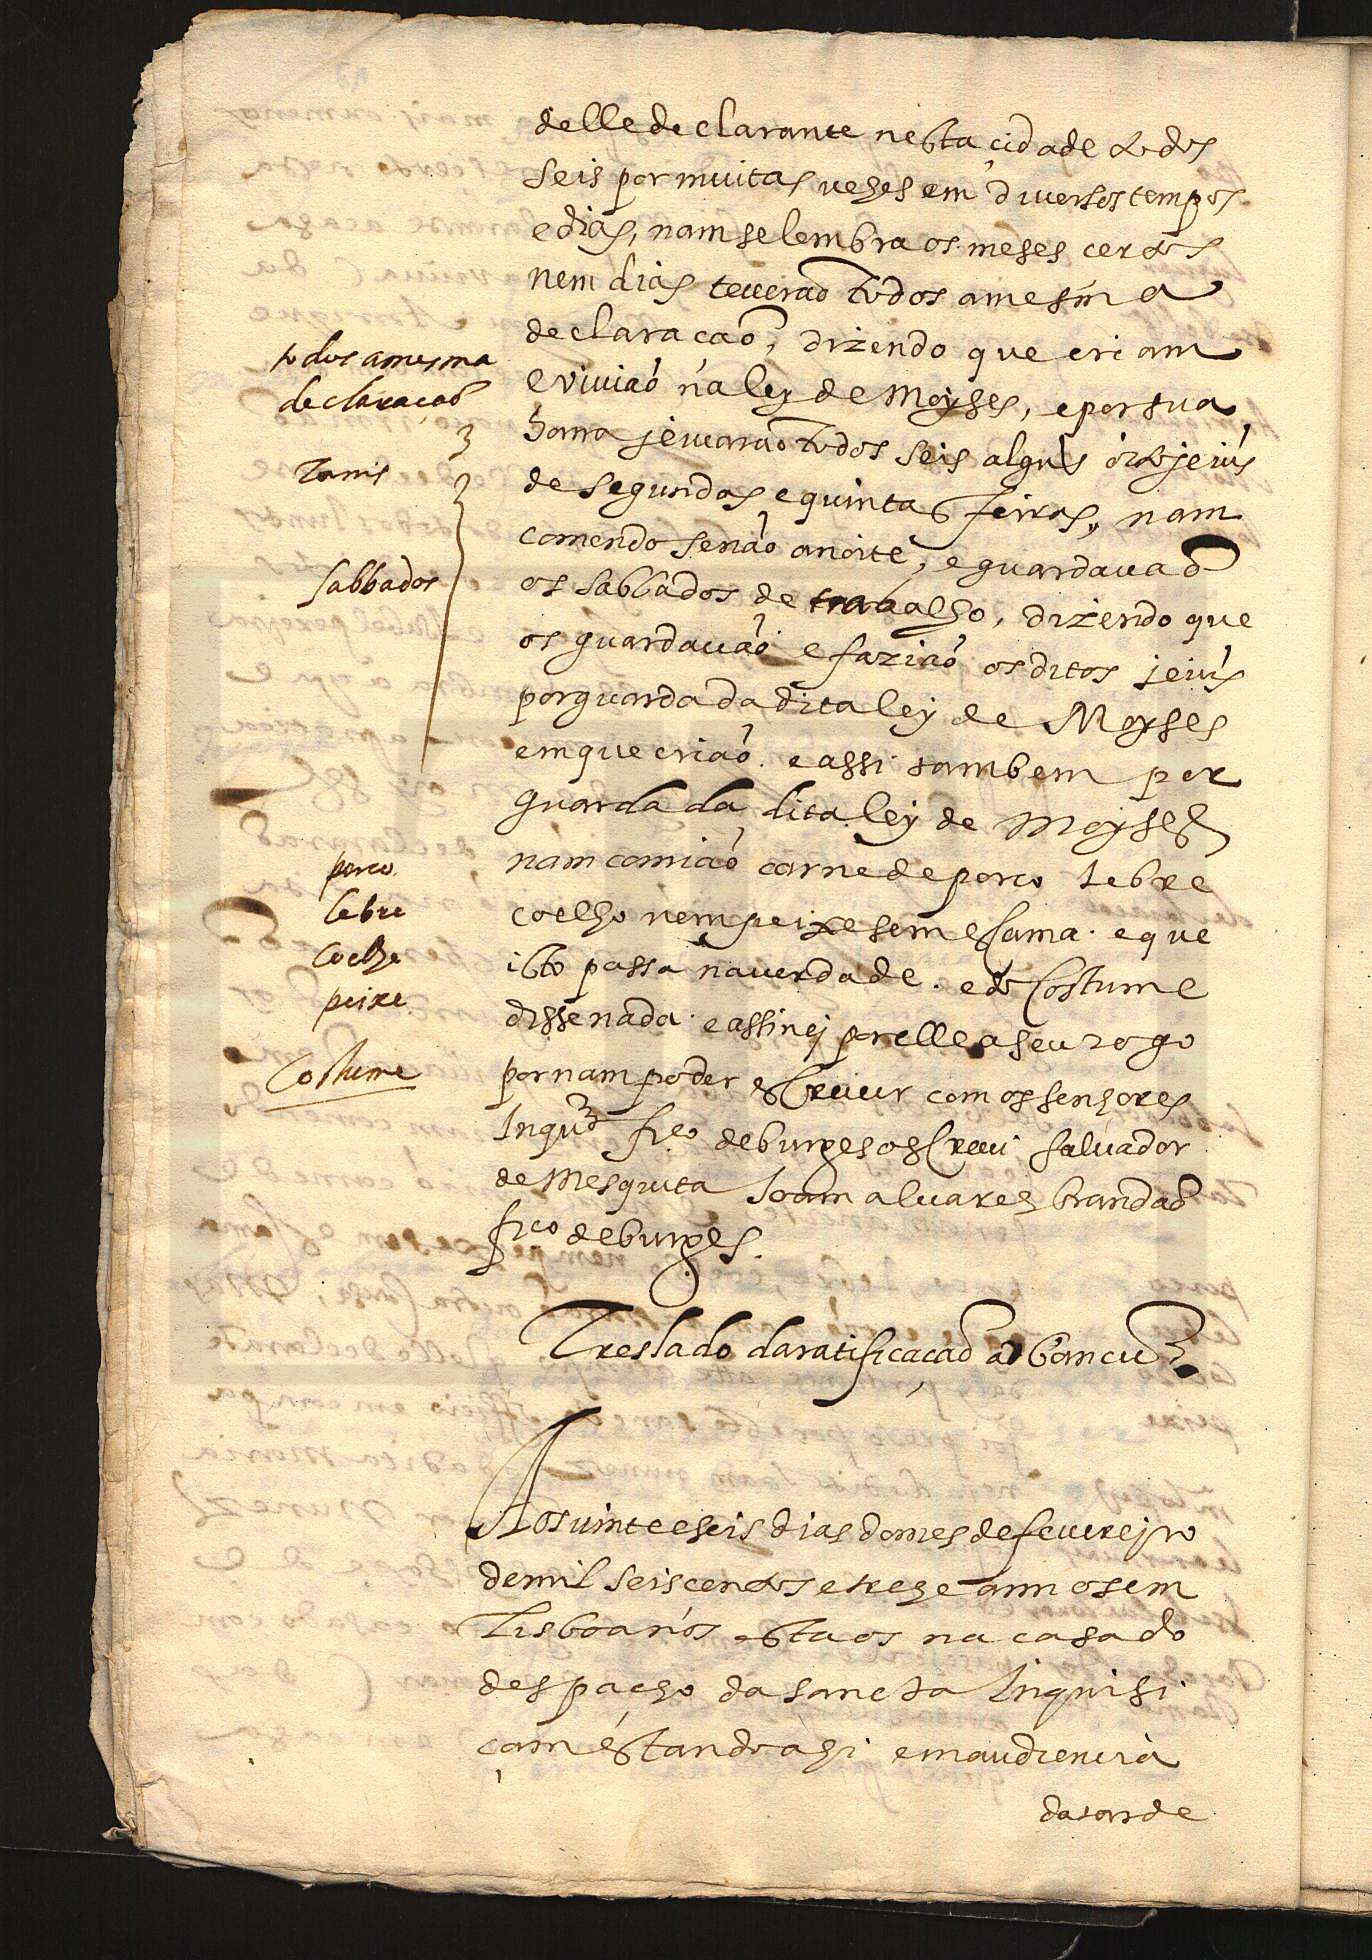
todos a mesma
declaraçaõ
Tanis
sabbados
porco
lebre
coelho
peixe
Costume
delle declarante nesta cidade todos
seis por muitas uezes em diuersos tempos
e dias, nam se lembra os meses certos
nem dias teuerão todos a mesma
declaraçaõ dizendo que criam
e viuiaõ na ley de moyses, e por sua
honra jeiuaraõ todos seis algūs oito jeiūs
de segundas e quintas feiras, nam
comendo senão a noite, e guardauaõ
os sabbados de trabalho, dizendo que
os guardauaõ e faziaõ os ditos jeiūs
por guarda da dita ley de Moyses
em que criaõ e assim tambem per
guarda da dita ley de moyses
nam comiaõ carne de porco Lebre
coelho nem peixe sem esCama. e que
isto passa na uerdade e do Costume
disse nada e assinej por elle a seu rogo
por nam poder esCreuer com os senhores
Inqures fr.co de burges o esCreui saluador
de mesquita Ioam aluares brandaõ
fr.co de burges.
Treslado da ratificação ad bancū
Aos uinte e seis dias do mes de feuerejro
de mil seiscentos e treze annos em
Lisboa nos estaos na casa do
despacho da sancta Inquisi
çam estando hi em audiencia
da tarde
